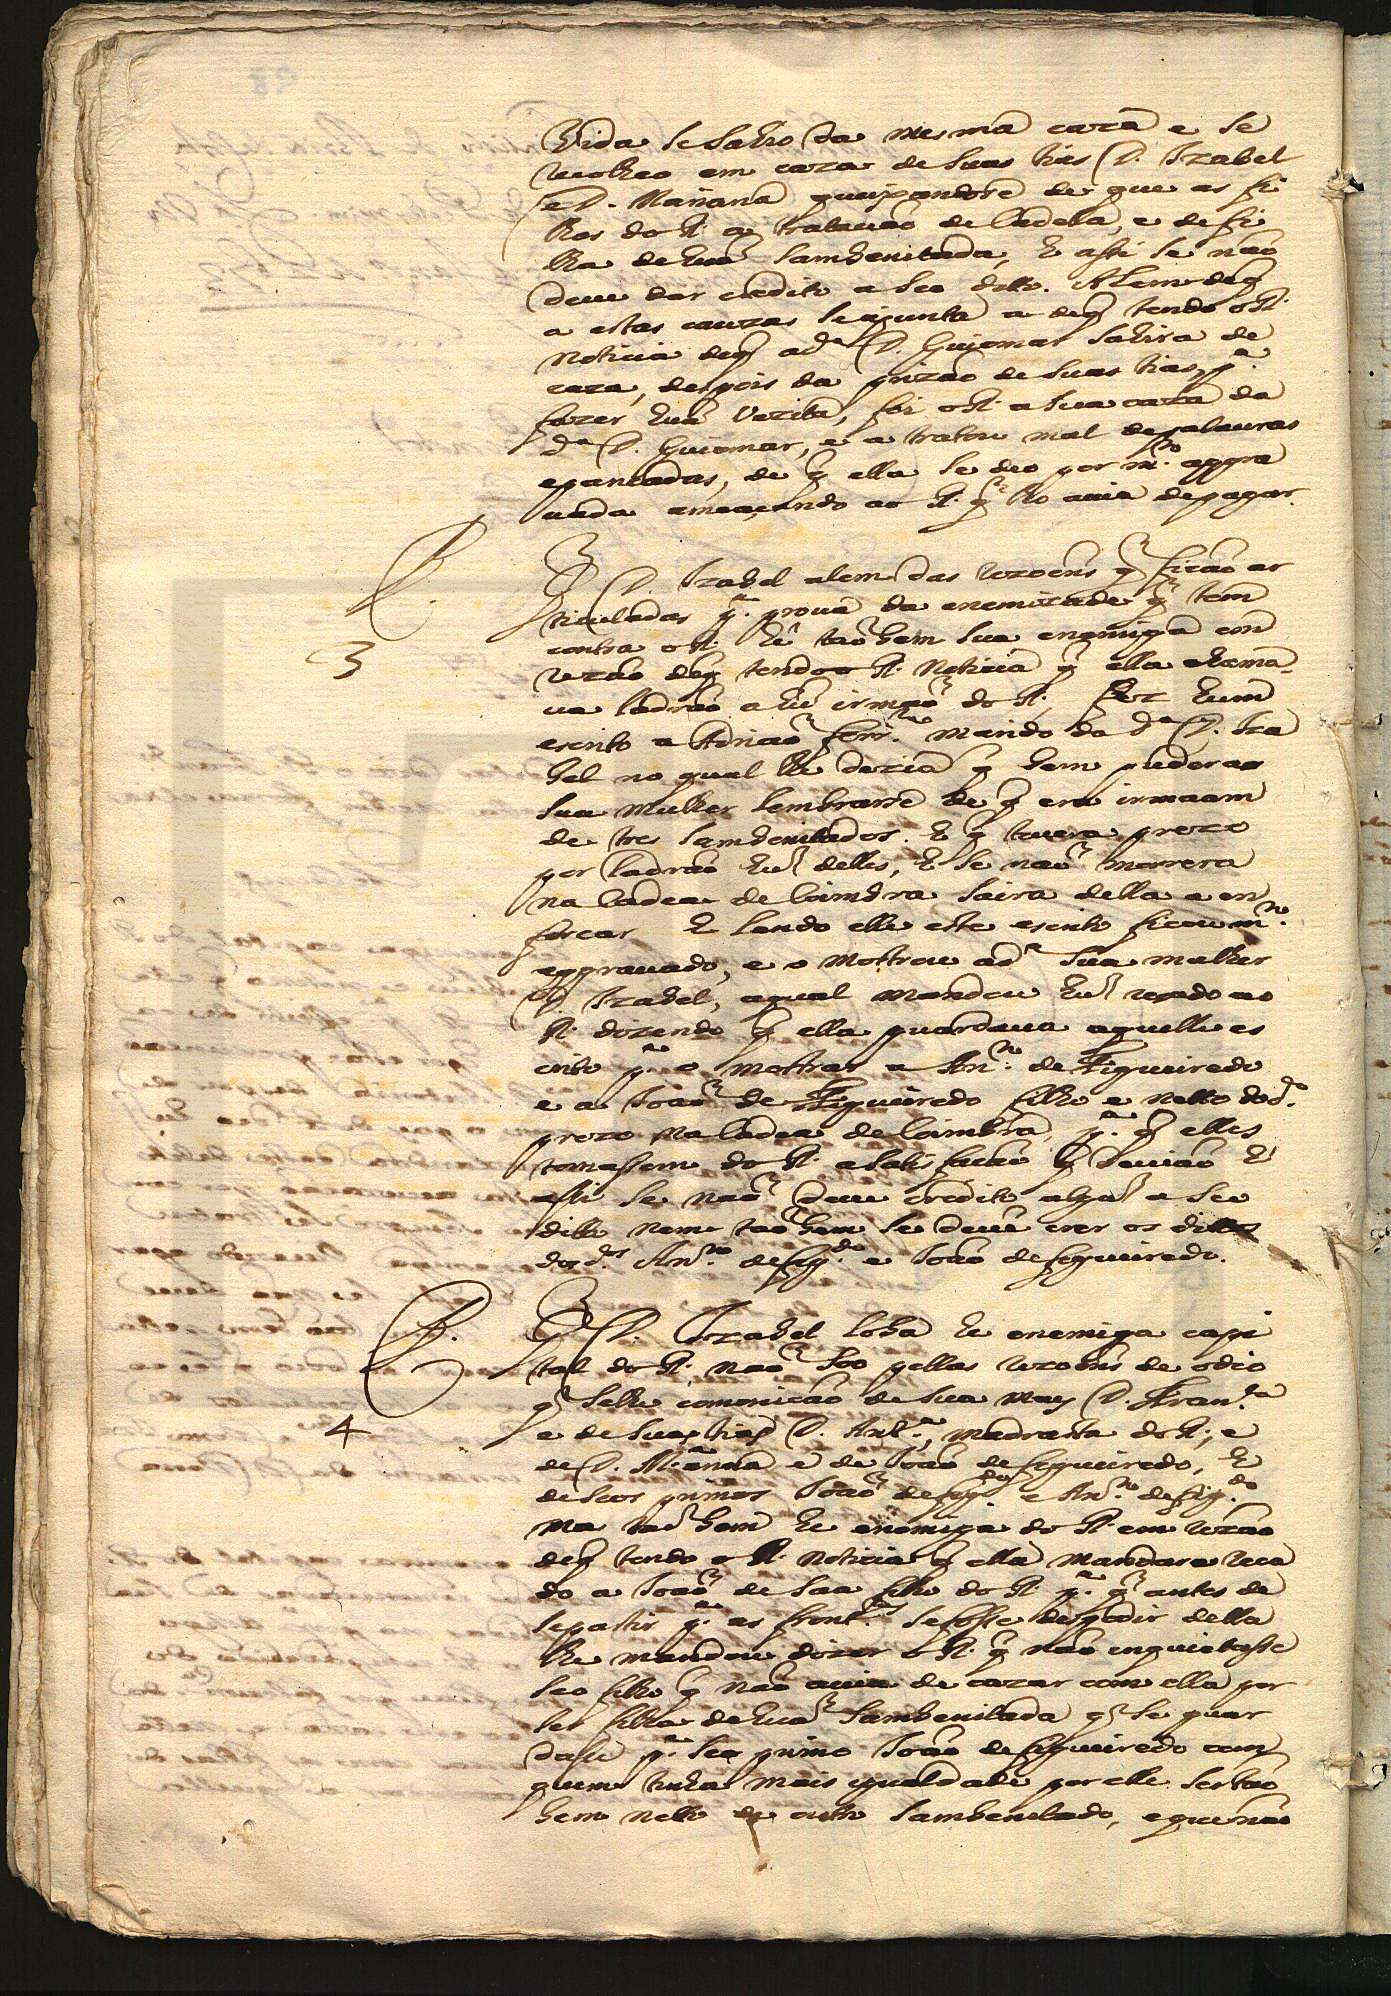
3
4
Vida se sahio da mesma caza e se
Recolheo em caza de suas tias D. Izabel
e D. Mariana queixandose de que as fi
lhas do R. a tratauaõ de Cadella, e de fi
lha de hua sambenitada, E assi se não
deue dar credito a seo ditto. Alem de q̄
a estas cauzas se ajunta a de q̄ tendo o R.
noticia de q̄ a da D. Guiomar sahira de
caza, despois da prizão de suas tias, pa.
fazer huā vezita, foi o R. a sua caza da
da D. Guiomar, e a tratou mal de palauras
e pancadas, de q̄ ella se deo por m.to aggra
uada ameaçando ao R. q̄ lho auia de pagar.
P. Q̄ D. Izabel alem das rezoen̄s q̄ ficão ar
ticuladas pa. proua da enemizade q̄ tem
contra o R. he taõbem sua enemiga em
rezão de q̄ tendo o R. noticia q̄ ella chama
ua ladrão a hū irmaõ do R. fez hum
escrito a Adriaõ ferr.ra marido da da D. Iza
bel no qual lhe deziā q̄ bem pudera
sua mulher lembrarse de q̄ era irmam
de tres sambenitados. E q̄ teuera prezo
por ladrão hū delles, E se naõ morrera
na Cadea de Coimbra saira della a en
forcar E lendo elle este escrito ficou mto.
aggravado, e o mostrou a da sua molher
D. Izabel, a qual mandou hū recado ao
R. dizendo q̄ ella guardaua aquelle es
crito pa o mostrar a Anto. de Figueiredo
e a Ioaõ de Figueiredo filho e netto do d.o
prezo na cadea de Coimbra, pa. q̄ elles
tomassem do R. a satisfação q̄ deuião E
assi se naõ deue credito algū a seo
ditto nem taõbem se deuē crer os dittos
dos d.os An.to de fig.do e Ioão de figueiredo.
P. Q̄ D. Izabel Loba he enemiga capi
tal do R. naõ soo pellas rezoens de odio
q̄ se lhe comonicão de sua may D. Fran.ca
e de suas tias D. Ant.a, madrasta do R., e
de D. M.a anna e de Ioão de figueiredo, E
de seos primos Ioaõ de fig.do e An.to de fig.do
ma taõbem he enemiga do R. em rezão
de q̄ tendo o R. noticia q̄ ella mandara reca
do a Ioaõ de Saa filho do R. pa. q̄ antes de
se partir p.a as front.ras se fosse despedir della
lhe mandou dizer o R. q̄ não inquietasse
seo filho q̄ não auia de cazar com ella por
ser filha de huā sambenitada q̄ se guar
dasse p.a seo primo Ioão de figueiredo com
quem tinha mais egualdade por elle ser tão
bem netto de outro sambenitado, e que não
